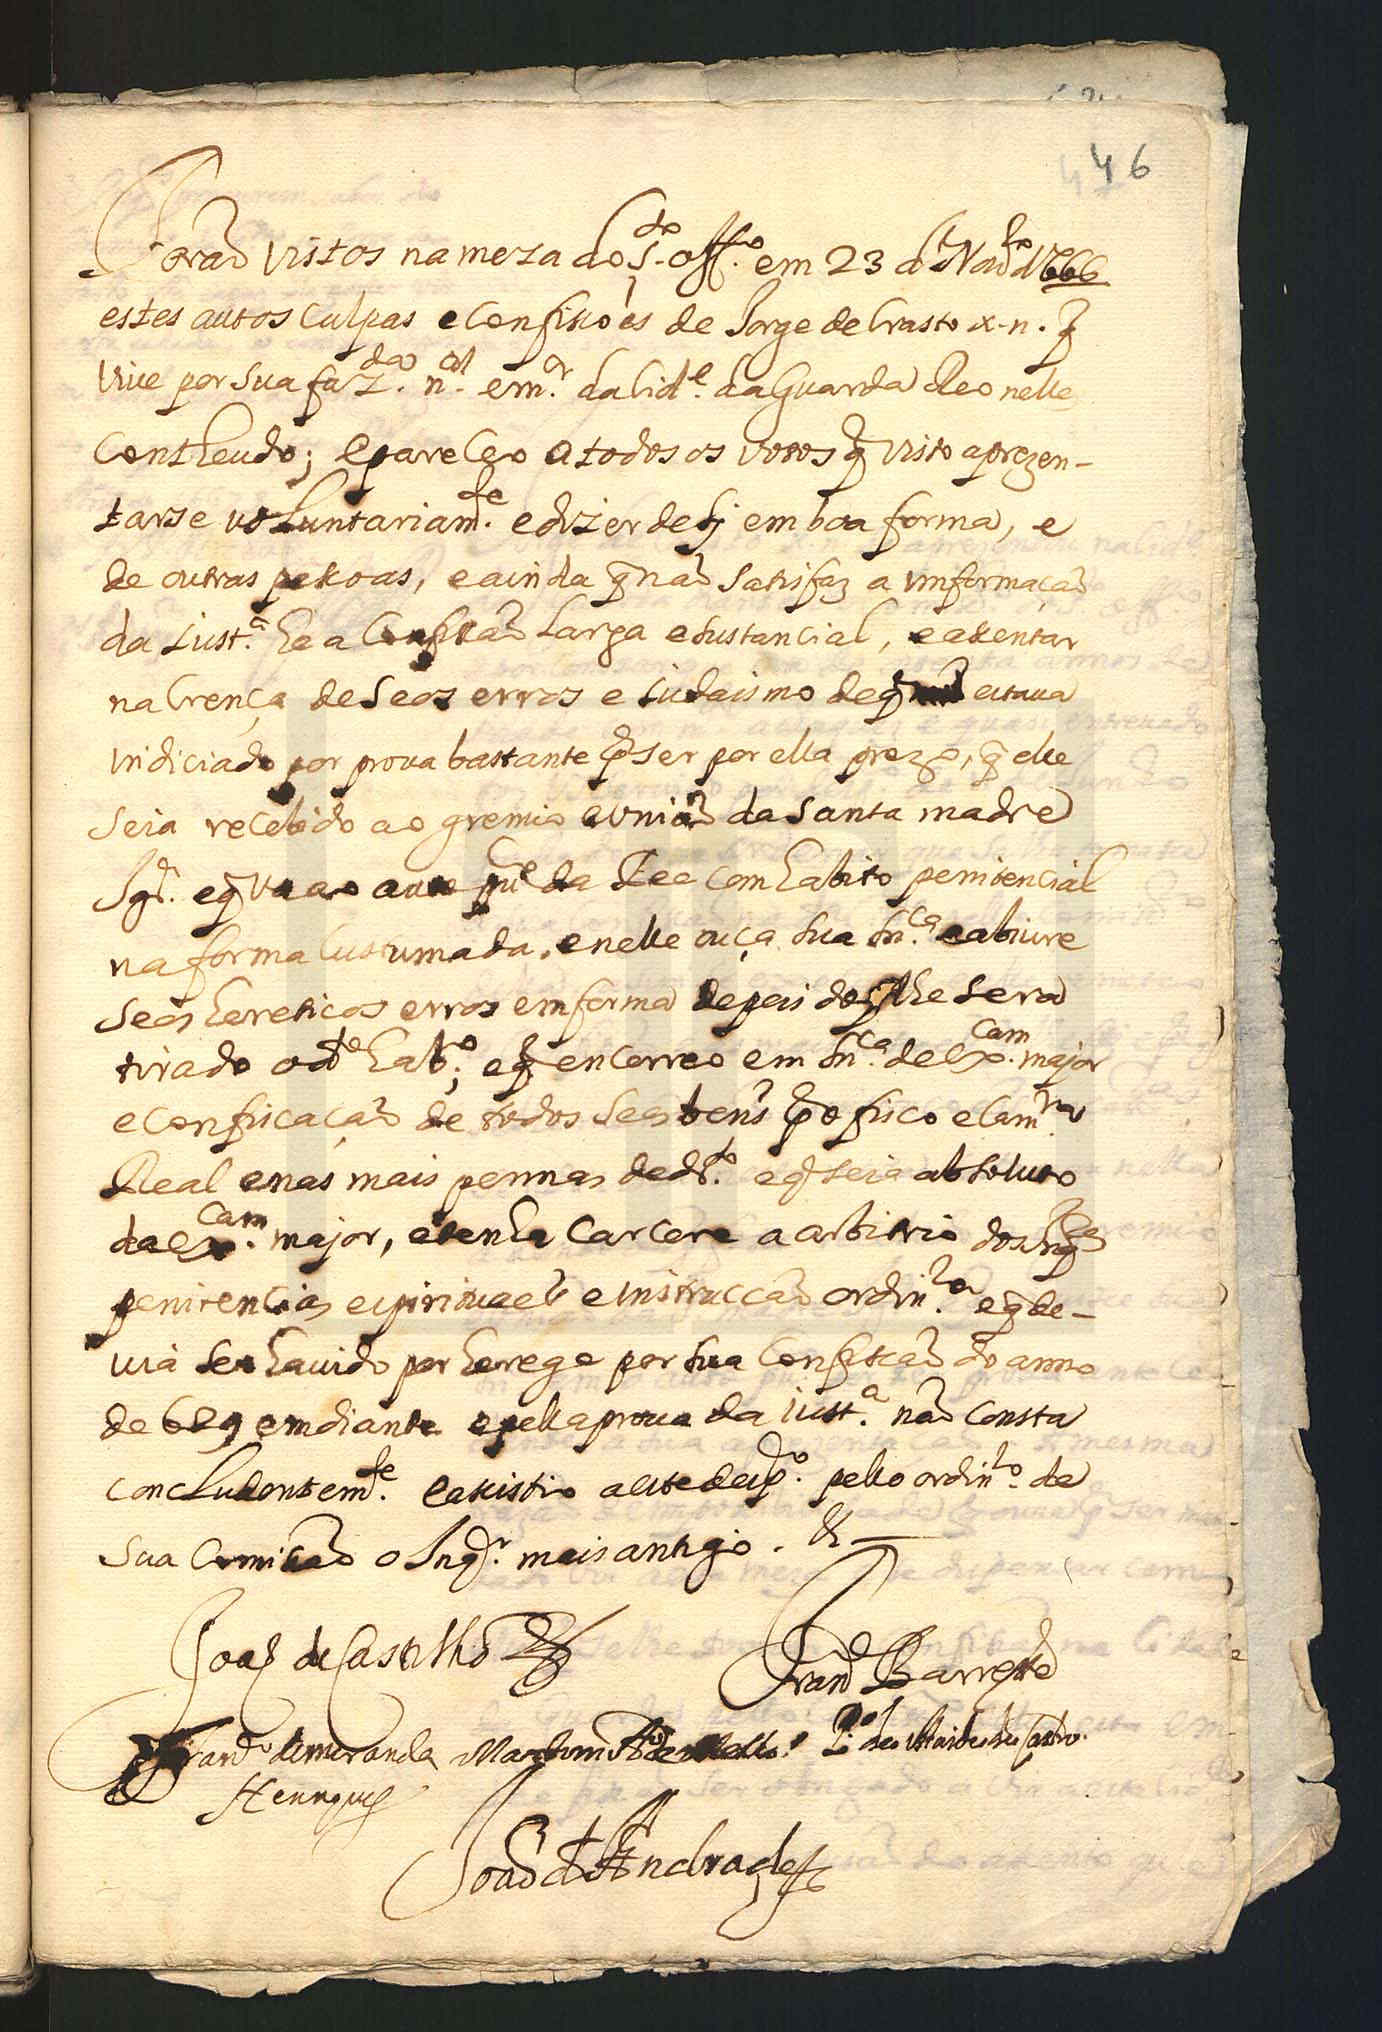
Foraõ vistos na meza do s.to off.o em 23 de Nouro d 666
estes autos culpas e confissoẽs de Iorge de Crasto x. n. q̄
viue por sua faz.da n.al e m.or da Cid.e da Guarda Reo nelle
contheudo; e pareceo a todos os votos q̄ visto aprezen
tarse uoluntariam.te e dizer de sj em boa forma, e
de outras pessoas, e ainda q̄ naõ satisfaz a imformaçaõ
da Iust.a he a Confissão larga e sustancial, e ascentar
na Crença de seos erros e iudaismo de q̄ naõ estaua
indiciado por proua bastante pa ser por ella prezo, q̄ elle
seia recebido ao gremio e vniaõ da santa madre
Igr.a e q̄ va ao auto puco da Fee com habito penitencial
na forma Custumada, e nelle ouça sua sn.ça e abiure
seos hereticos erros em forma depois do q̄ lhe sera
tirado o d̄o hab.o, e q̄ encorreo em sn.ça de ex.cam major
e confiscaçaõ de todos seos bens̄ pa o fisco e cam.ra
Real e nas mais pennas de dr.to e q̄ seia absoluto
de ex.cam major, e tenha carcere a arbitrio dos Inqres
penitencias esprituaes e instrucçaõ ordin.ra e q̄ de
uia ser hauido por herege por sua confisçaõ do anno
de 629 em diante e pella proua da iust.a naõ consta
concludentem.te e assistio a este desp.o pello ordinro. de
sua comiçaõ o Inq.or mais antigo. &
João de Castilho
Fran.co Barretto
franco de miranda
Henriques
Martim Ao de Mello
Po de Ataide de Castro
João d̄ Andrade
